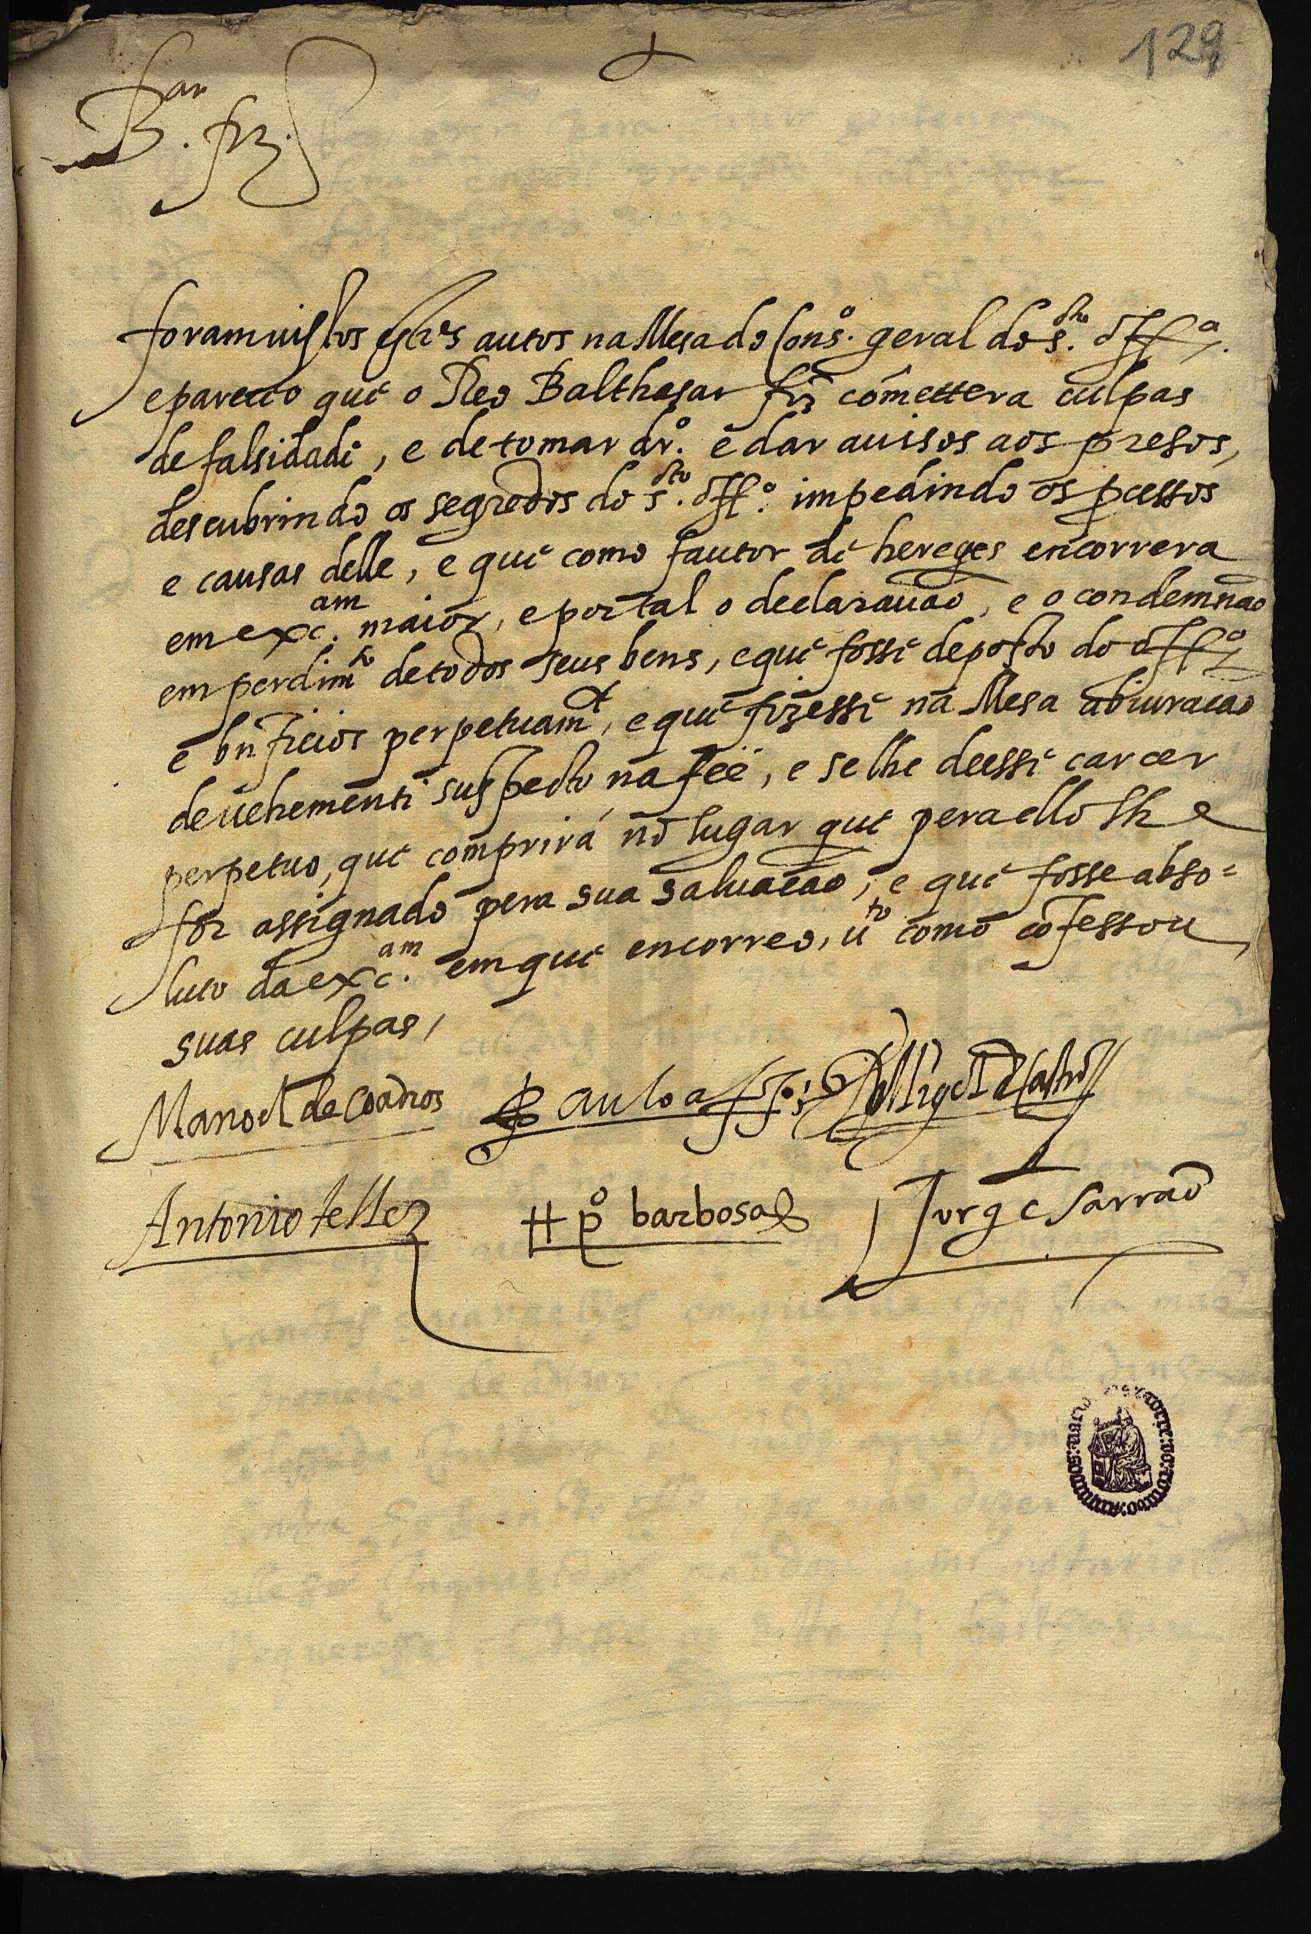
Bar. frz̄.
foram uistos estes autos na Mesa do Cons.o geral do s.cto offo.
e pareceo que o Reo Balthasar frz̄ com̄ettera culpas
de falsidade, e de tomar dro. e dar auisos aos presos,
descubrindo os segredos do scto. offo. impedindo os ꝓcessos
e causas delle, e que como fautor de hereges encorrera
em exc.am maior, e por tal o declarauão, e o condemnão
em perdimto de todos seus bens, e que fosse deposto do offo
e bn̄ficios perpetuamte, e que fizesse na Mesa abiuração
de uehementi suspecto na fee, e se lhe deesse carcer
perpetuo, que comprirá no lugar que pera elle lhe
for assignado pera sua saluação, e que fosse abso
luto da exc.am em que encorreo, uto como cōfessou
suas culpas /
Dō Migel d̄ Castro
Paulo afōso
Manoel de Coadros
Jorge Sarraõ
po barbosa
Antonio tellez
